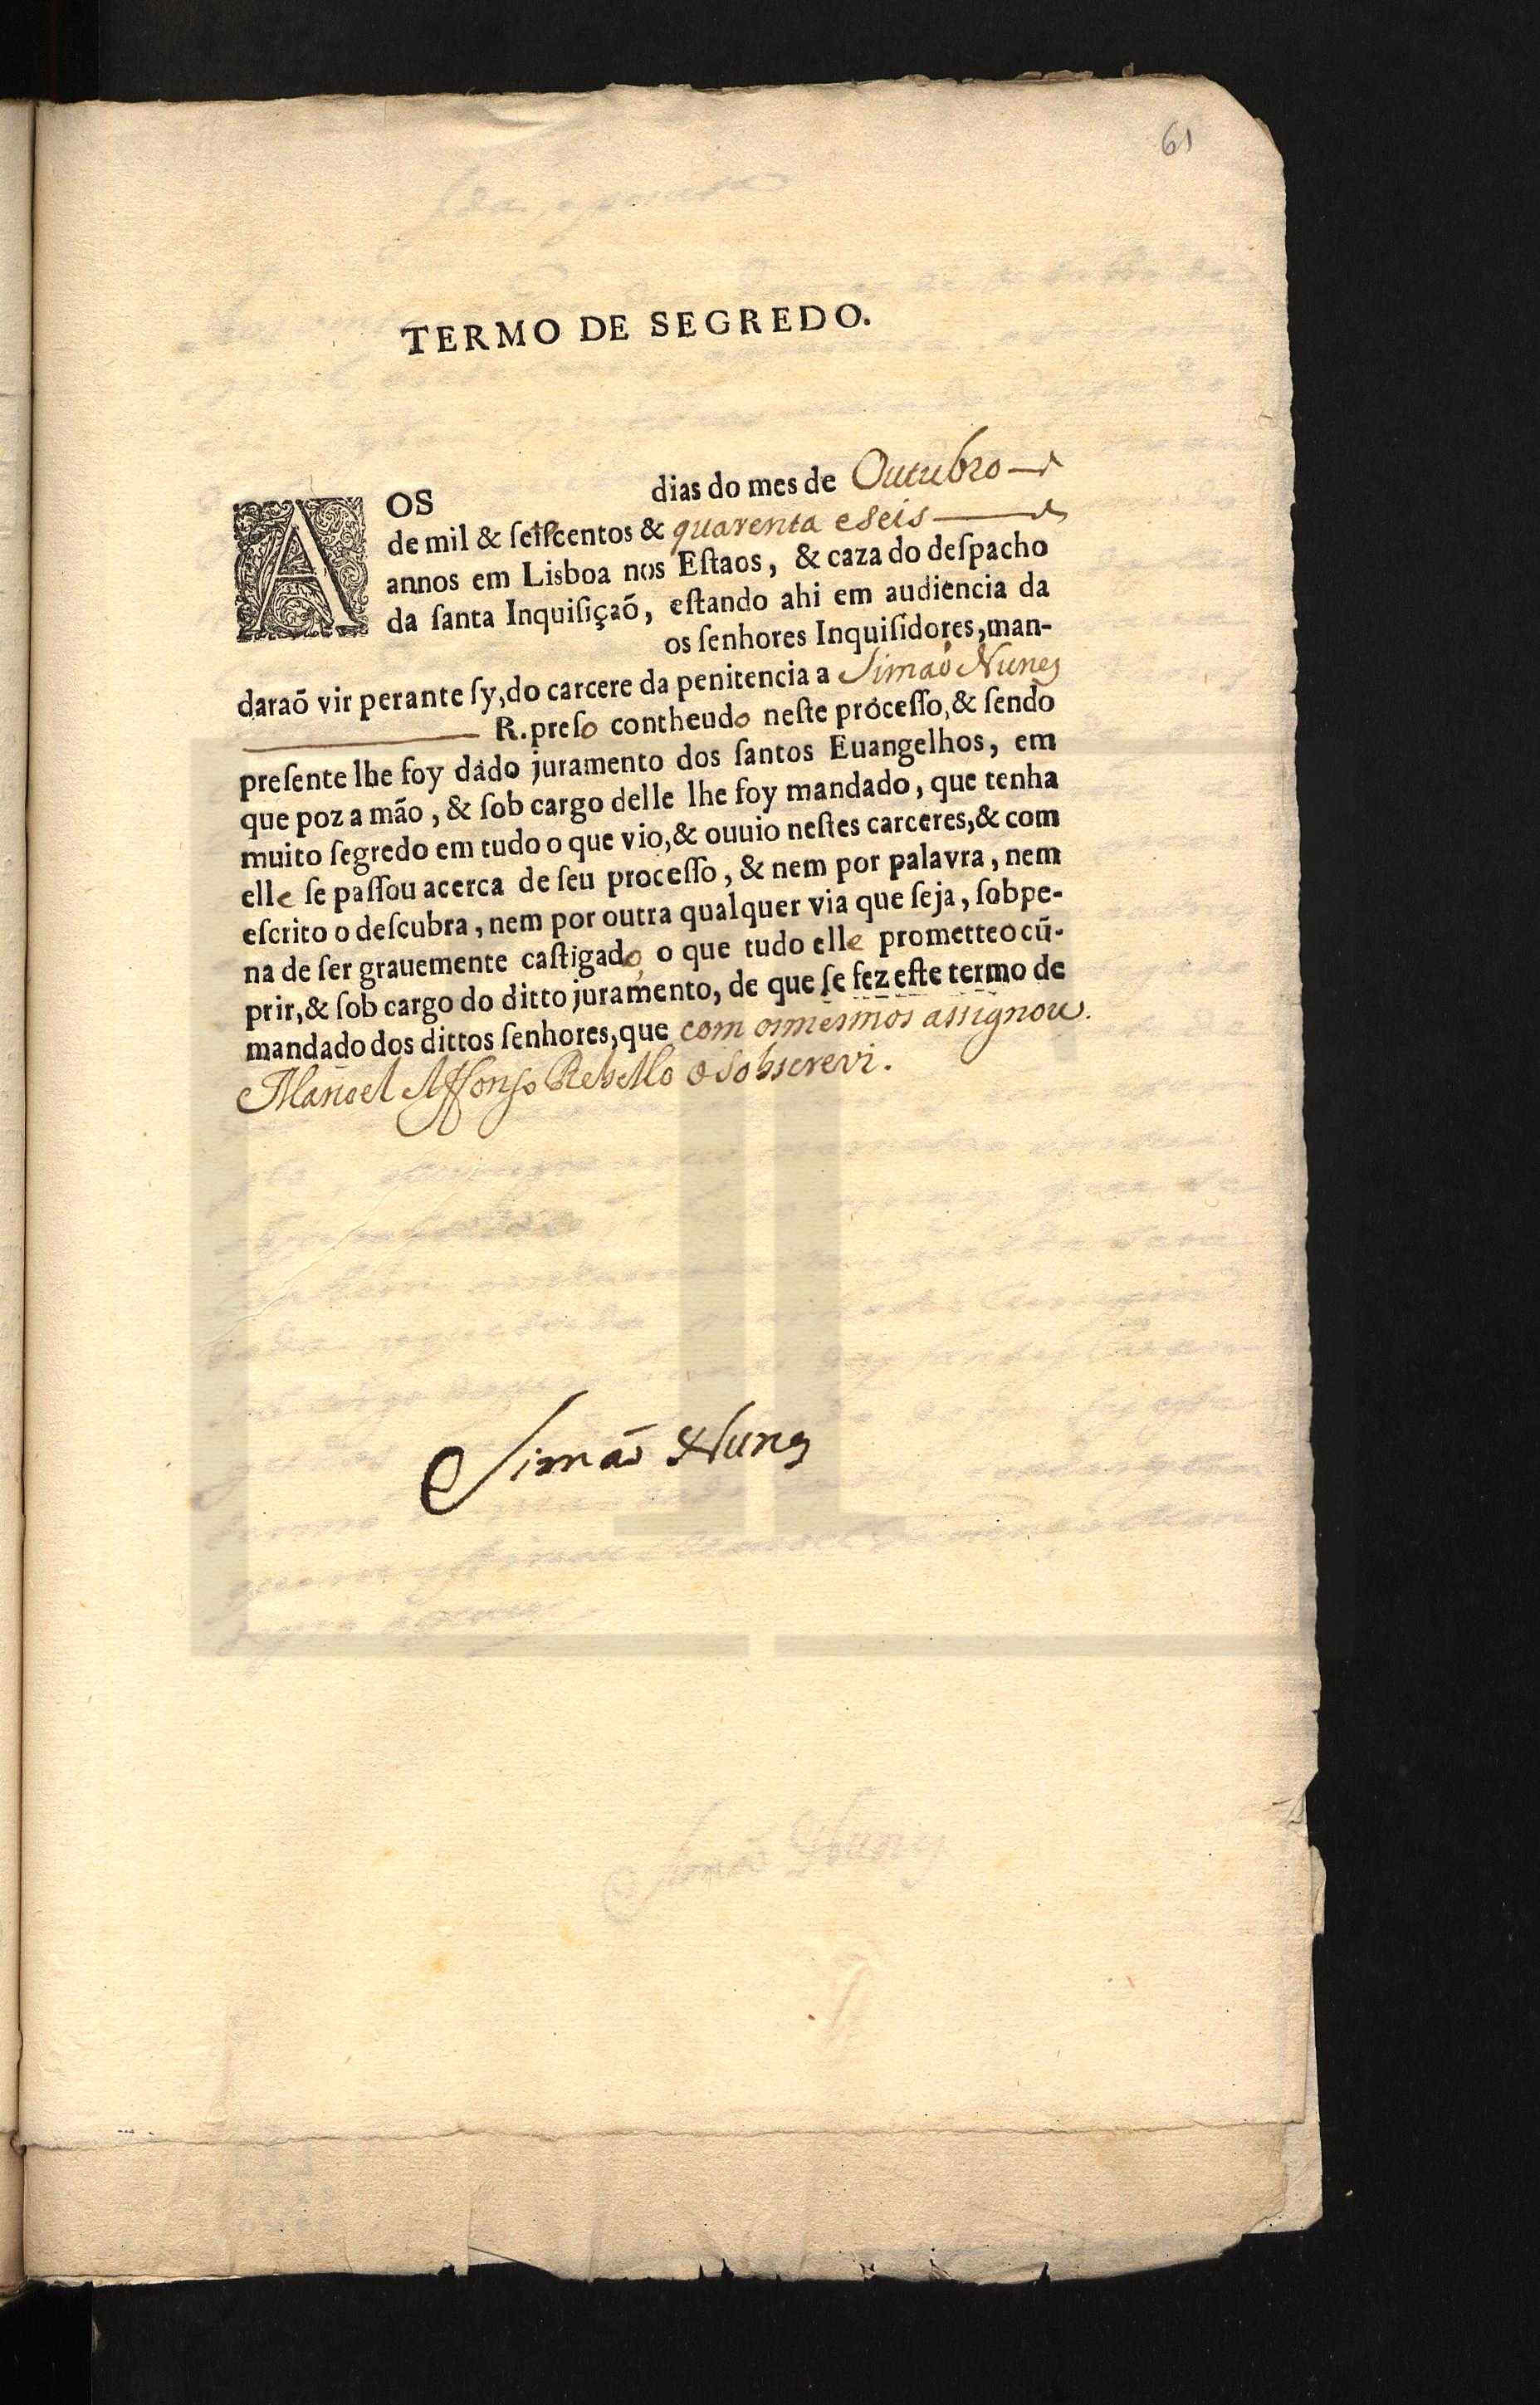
TERMO DE SEGREDO.
A
OS
dias do mes de Outubro
de mil & setecentos & quarenta e seis
annos em Lisboa nos Estaos, & caza do despacho
da santa Inquisiçaõ, estando ahi em audiencia da
os senhores Inquisidores, man
daraõ vir perante sy, do carcere da penitencia a Simaõ Nunes
R. preso contheudo neste processo, & sendo
presente lhe foy dado juramento dos santos Euangelhos, em
que poz a mão, & sob cargo delle lhe foy mandado, que tenha
muito segredo em tudo o que vio, & ouuio nestes carceres, & com
elle se passou acerca de seu processo, & nem por palavra, nem
escrito o descubra, nem por outra qualquer via que seja, sob pe
na de ser grauemente castigado o que tudo elle prometteo cū
prir, & sob cargo do ditto juramento, de que se fez este termo de
mandado dos dittos senhores, que com os mesmos assignou.
Manoel Affonso Rebello o sobscrevi.
Simaõ Nunes
